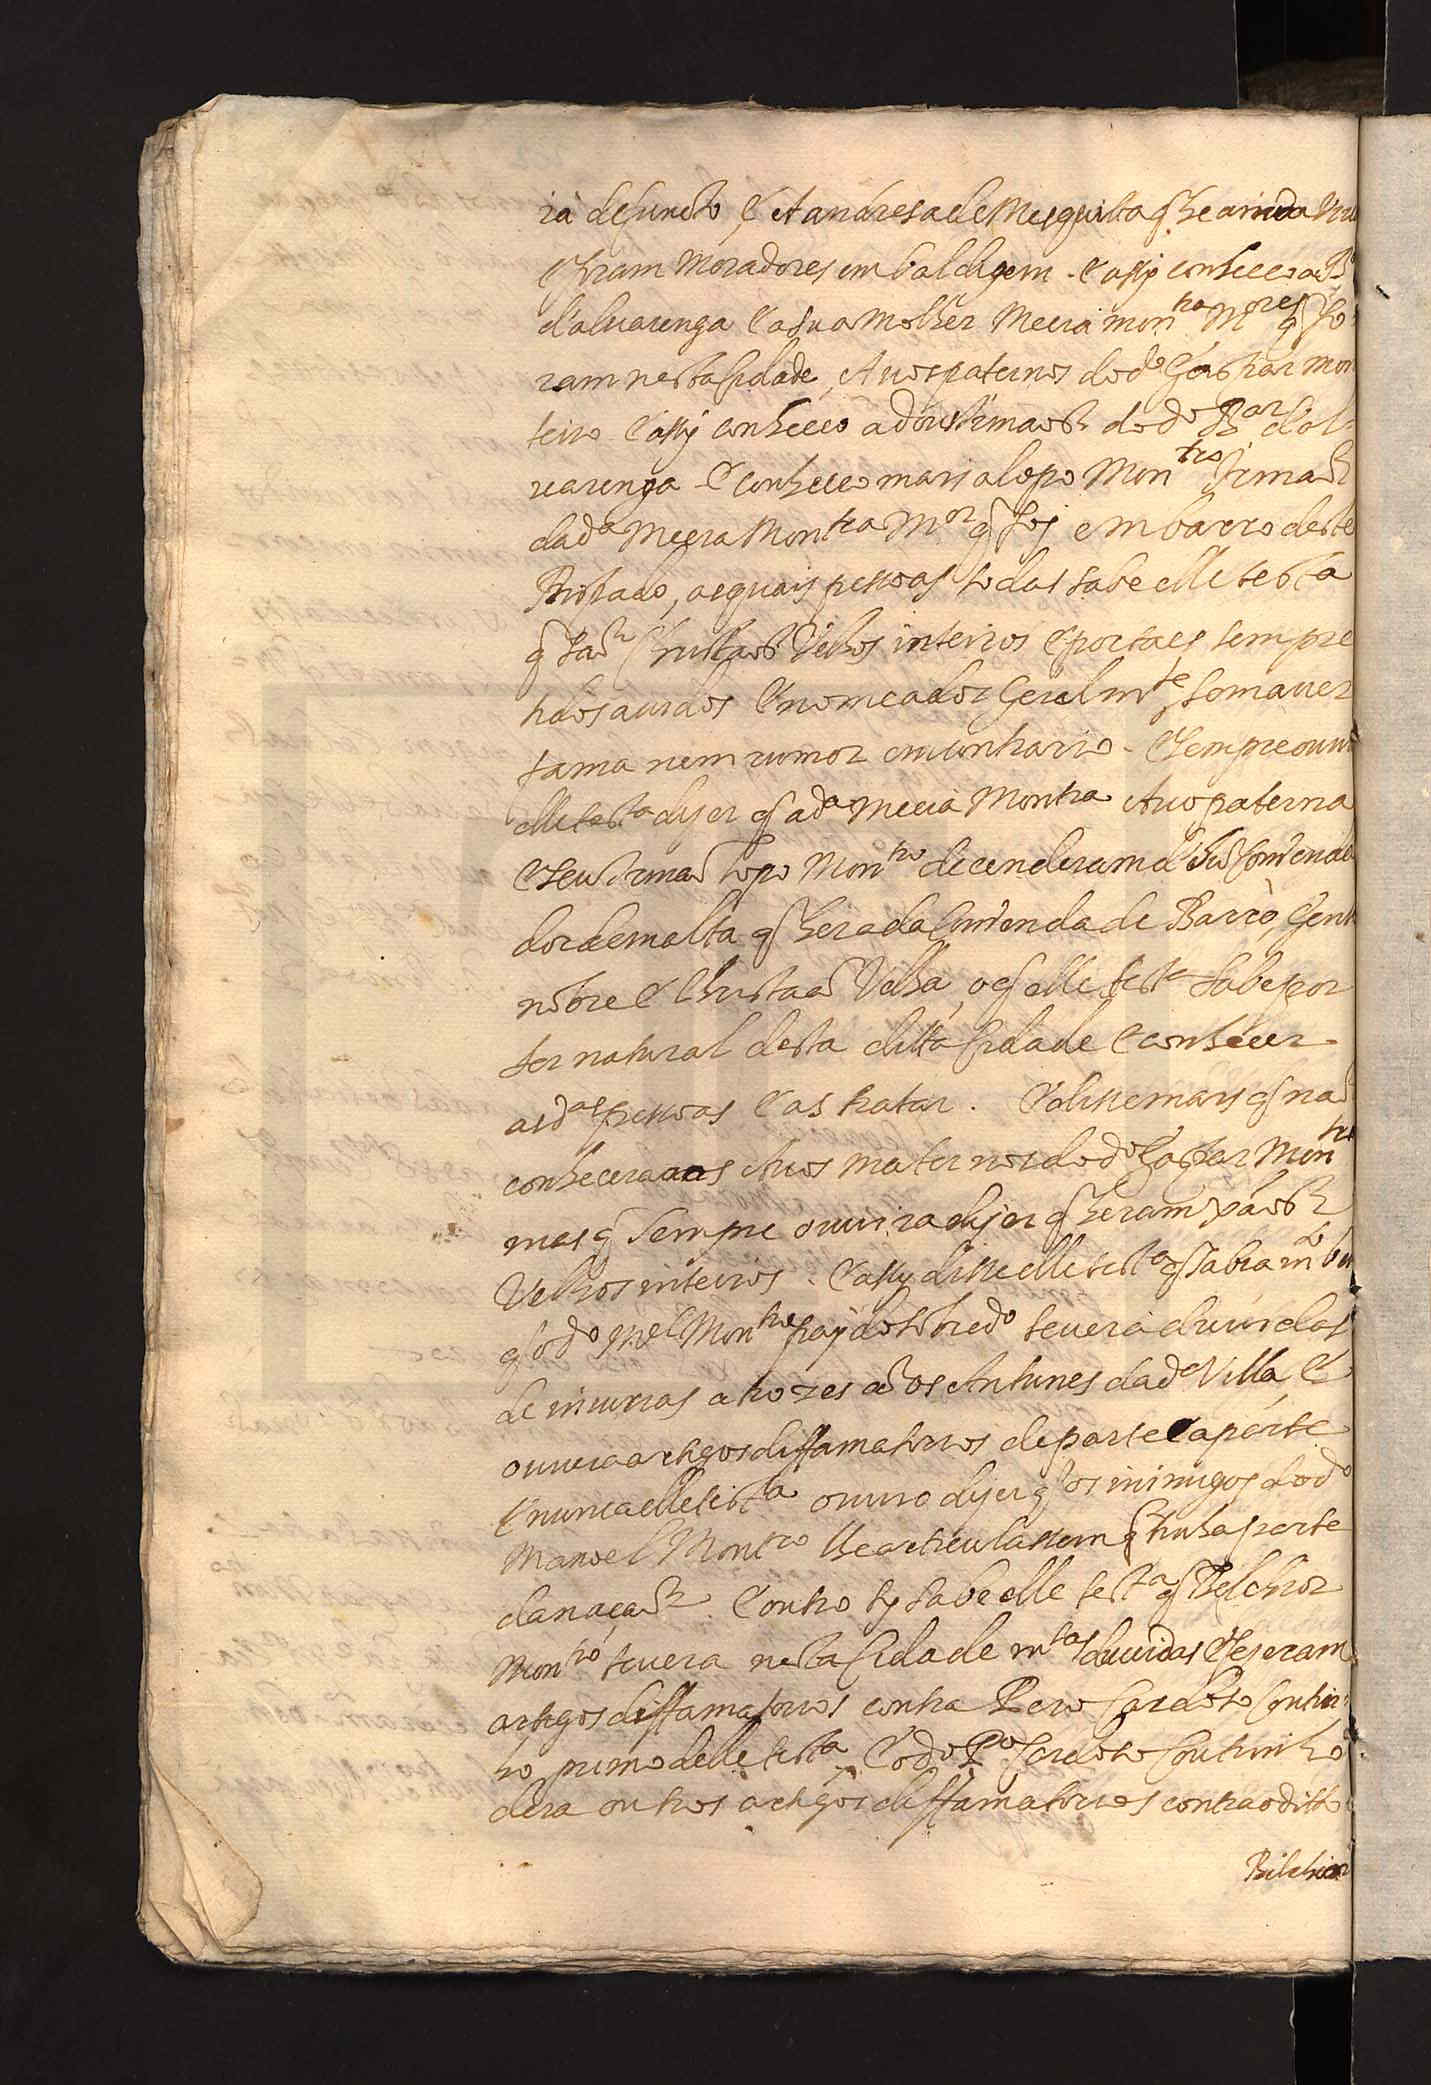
iá defuncto, E A andresa de Mesquitta q̄ he ainda Viu
E foram moradores em baldigem. e assy conheceo a B
d'aluarenga E a sua molher Mecia montra Mores q̄ fo
ram nesta Cidade, Auos paternos do do Gaspar mon
teiro E assy conheceo a dous Irmaõs do do Bar dal
uarenga E conheceo maria lopo Montro Irmaā
da da Mecia Montra Mor q̄ foj em barro deste
Bispado, as quais pessoas todas sabe elle testa
q̄ saõ Christaõs Velhos inteiros E por taes sempre
tidos auidos E nomeados Geralmte, sem auer
fama nem rumor em contrario, E sempre ouu
elle testa dizer q̄ a da mecia Montra Auo paterna
E seu Irmaõ Lopo Montro decenderam d'hū Com̄enda
dor de malta q̄ hera da Com̄enda de Barro, Gen
nobre E Christaā Velha, o q̄ elle testa sabe por
ser natural desta ditta Cidade E conhecer
as das pessoas E as tratar. E disse mais q̄ naõ
conhecera aos Auos maternos do do Gaspar Montro
mas q̄ sempre ouuira dizer q̄ heram xãos
Velhos inteiros. E assy disse elle testa q̄ sabia mto b
q̄ o do Mel Montro pay do sobredo teuera duuidas
de iniurias atrozes cō os Antunes da da Villa, E
ouuera artigos diffamatorios de parte a parte
E nunca elle testa ouuio dizer q̄ os inimigos do do
Manoel Montro lhe articulassem q̄ tinha parte
da naçaõ E outrosy sabe elle testa q̄ Belchior
Montro teuera nesta Cidade mtas duuidas E fezeram
artigos diffamatorios contra Pero Cardoso Coutin
ho primo delle testa, E o do Po Cardoso Coutinho
dera outros artigos diffamatorios contra o ditto
Belchior
